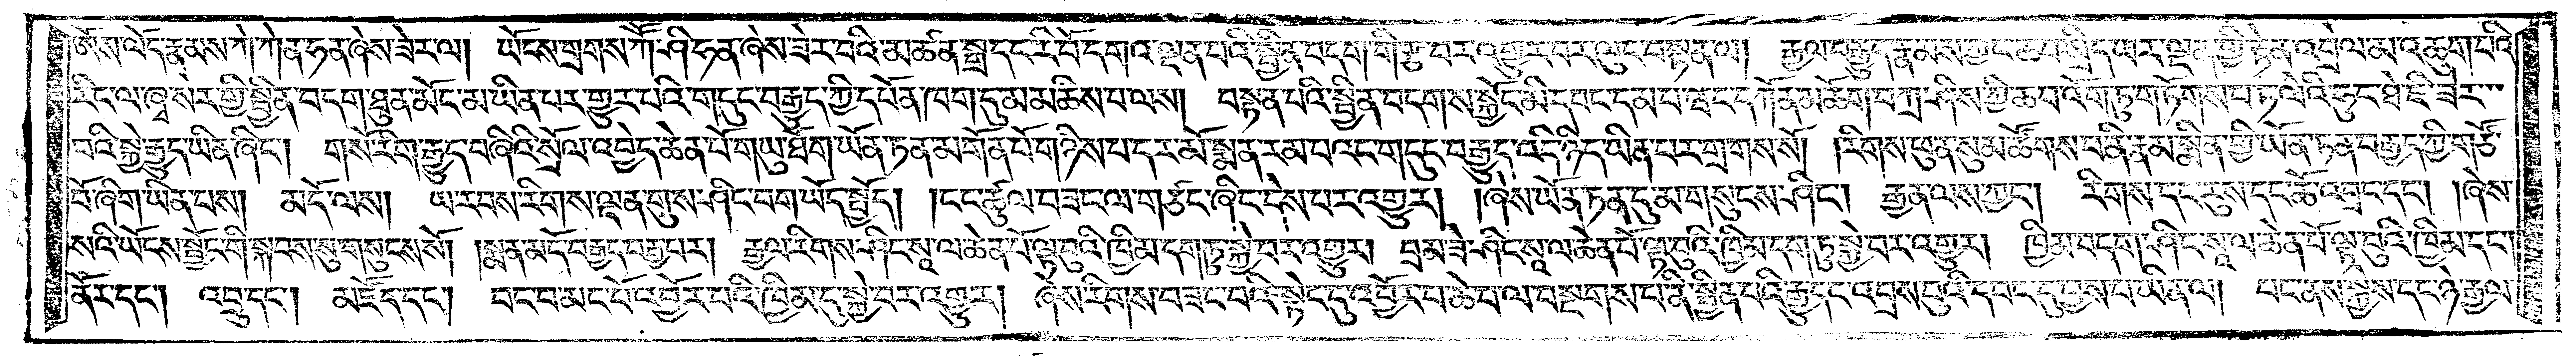ཨོས་ལོད་རྣམས་ཀེ་ཀེན་ཧན་ཞེས་ཟེར་ལ། ཡོངས་གྲགས་ཀཽ་ཤི་ཧན་ཞེས་ཟེར་བའི་མཚན་སྒྲ་དང་རི་བོ་དགའ་ལྡན་པའི་སྦྱིན་བདག་གི་རྩ་བར་འགྱུར་བར་ལུང་བསྟན་ལ། རྒྱལ་བརྒྱུད་རྣམས་ཀྱང་ཆབ་སྲིད་ཡར་ལྡན་གྱི་རྟེན་འབྲེལ་མ་འཆུག་པའི་
རིང་ལ་ཞྭ་སེར་གྱི་སྦྱིན་བདག་ཐུན་མོང་མ་ཡིན་པར་གྱུར་པའི་གདུང་བརྒྱུད་ཀྱི་དཔོན་ཁག་དུ་མ་མཆིས་པ་ལས། བསྟན་པའི་སྦྱིན་བདག་ས་སྐྱོང་མི་དབང་དམ་པ་ཝང་དཀོན་མཆོག་བཀྲ་ཤིས་ཀྱི་ཆབ་འོག་ཏུ་གཏོགས་པ་ཏ་ལེའི་ཧུང་ཐེ་ཇི་ཟེར་
བའི་སྐྱེ་རྒྱུད་ཡིན་ཞིང་། གསོ་རིག་རྒྱུད་བཞིའི་སྲོལ་འབྱེད་ཆེན་པོ་གཡུ་ཐོག་ཡོན་ཏན་མགོན་པོ་གཉིས་པ་དར་མོ་སྨན་རམ་པའང་གདུང་བརྒྱུད་འདི་ཉིད་ཡིན་པར་གྲགས་སོ། །རིགས་ཕུན་སུམ་ཚོགས་པ་ནི་རྣམ་སྨིན་གྱི་ཡོན་ཏན་བརྒྱད་ཀྱི་གཙོ་
བོ་ཞིག་ཡིན་བས། མདོ་ལས། ཡ་རབས་རིགས་ལྡན་གུས་ཤིང་བག་ཡོད་སྤྱོད། །ངང་ཚུལ་བཟང་ལ་གཙང་ཞིང་དེས་པར་འགྱུར། །ཞེས་ཡོན་ཏན་དུ་མ་གསུངས་ཤིང་། རྒྱན་ལས་ཀྱང་། རིགས་དང་རུས་དང་ཆོ་འབྲང་དང་། །ཞེས་
སའི་ཡོངས་སྦྱོང་གི་སྐབས་སུ་གསུངས་སོ། །སྨན་མདོ་བརྒྱད་བརྒྱ་པར། རྒྱལ་རིགས་ཤིང་སཱ་ལ་ཆེན་པོ་ལྟ་བུའི་ཁྱིམ་དག་ཏུ་སྐྱེ་བར་འགྱུར། བྲམ་ཟེ་ཤིང་སཱ་ལ་ཆེན་པོ་ལྟ་བུའི་ཁྱིམ་དག་ཏུ་སྐྱེ་བར་འགྱུར། ཁྱིམ་བདག་ཤིང་སཱ་ལ་ཆེན་པོ་ལྟ་བུའི་ཁྱིམ་དང་
ནོར་དང་། འབྲུ་དང་། མཛོད་དང་། བང་བ་མང་པོ་འབྱོར་པའི་ཁྱིམ་དུ་སྐྱེ་བར་འགྱུར། ཞེས་རིགས་བཟང་བའི་སྟེང་དུ་འབྱོར་པ་ཆེ་བ་ལ་བསྔགས་པ་ནི་སྦྱིན་པའི་རྒྱུ་དང་འབྲས་བུའི་དབང་དུ་བྱས་པ་ཡིན་ལ། པང་ནས་སྐྱེས་དང་ཉེ་རྒྱལ་